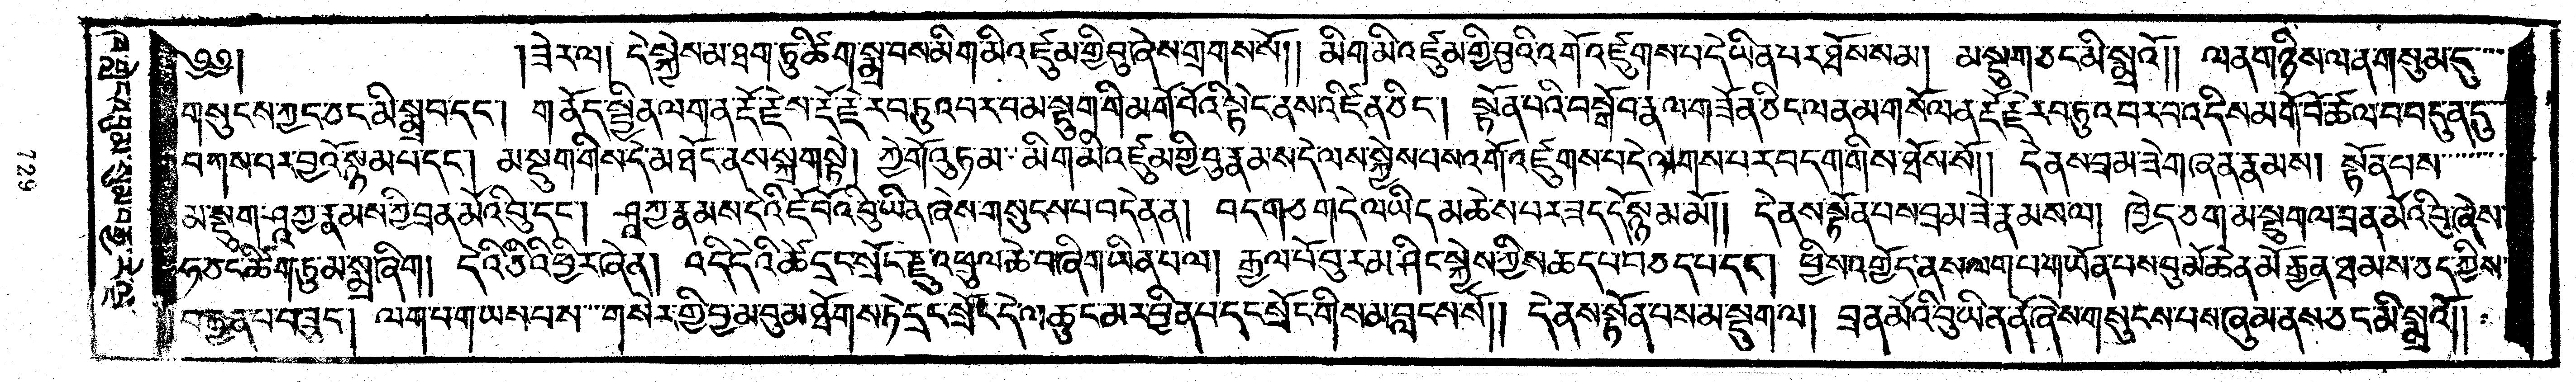༄༅། །ཟེར་ལ། དེ་སྐྱེས་མ་ཐག་ཏུ་ཚིག་སྨྲ་བས་མིག་མི་འཛུམ་གྱི་བུ་ཞེས་གྲགས་སོ། །མིག་མི་འཛུམ་གྱི་བུའི་འགོ་འཛུགས་བདེ་ཡིན་པར་ཐོས་སམ། མ་སྡུག་ཅང་མི་སྨྲའོ། །ལན་གཉིས་ལན་གསུམ་དུ་
གསུངས་ཀྱང་ཅད་མི་སྨྲ་བ་དང་། གནོད་སྦྱིན་ལག་ན་རྡོ་རྗེས་རྡོ་རྗེ་རབ་ཏུ་འབར་བ་མ་སྡུག་གི་མགོ་པོའི་སྟེང་ནས་འཛིན་ཅིང་། སྟོན་པའི་བསྒོ་བ་རྣལ་གཟོན་ཅིང་ལན་མ་གསོལ་ན་རྡོ་རྗེ་རབ་ཏུ་འབར་བ་འདིས་མགོ་བོ་ཚལ་བ་བདུན་དུ་
བཀས་པར་བྱའོ་སྙམ་པ་དང་། མ་སྡུག་གིས་དེ་མཐོང་ནས་སྐྲག་སྟེ། ཀྱེ་གོའུ་ཏམ༑ མིག་མི་འཛུམ་གྱི་བུ་རྣམས་དེ་ལས་སྐྱེས་པས་འགོ་འཛུགས་པ་དེ་ལགས་པར་བདག་གིས་ཐོས་སོ། །དེ་ནས་བྲམ་ཟེ་གཞན་རྣམས། སྟོན་པས་
མ་སྡུག་ཤཱཀྱ་རྣམས་ཀྱི་བྲན་མོའི་བུ་དང་། ཤཱཀྱ་རྣམས་དེའི་ཇོ་བོའི་བུ་ཡིན་ཞེས་གསུངས་པ་བདེན་ན། བདག་ཅག་དེ་ལ་ཡིད་མཆེས་པར་ཟད་དོ་སྙམ་མོ། །དེ་ནས་སྟོན་པས་བྲམ་ཟེ་རྣམས་ལ། ཁྱེད་ཅག་མ་སྡུག་ལ་བྲན་མོའི་བུ་ཞེས་
ཧ་ཅང་ཚིག་ཏུ་མ་སྨྲ་ཞིག། དེའི་ཅིའི་ཕྱིར་ཞེ་ན། འདི་དེའི་ཚེ་དྲང་སྲོང་རྫུ་འཕྲུལ་ཆེ་བཞིག་ཡིན་པ་ལ། རྒྱལ་པོ་བུ་རམ་ཤིང་སྐྱེས་ཀྱིས་ཆད་པ་བཅད་པ་དང་། ཕྱིས་འགྱོད་ནས་ལག་པ་གཡོན་པས་བུ་མོ་ཆེན་མོ་རྒྱན་ཐམས་ཅད་ཀྱིས་
བརྒྱན་པ་བཟུང་། ལག་པ་གཡས་པས་གསེར་གྱི་བྱ་མ་བུམ་ཐོགས་ཏེ་དྲངས་སྲོང་དེ་ལ་ཆུང་མར་བྱིན་པ་དང་སྲོང་གིས་མ་བླངས་སོ། །དེ་ནས་སྟོན་པས་མ་སྡུག་ལ། བྲན་མོའི་བུ་ཡིན་ནོ་ཞེས་གསུངས་པས་ཞུམ་ནས་ཅང་མི་སྨྲའོ། །